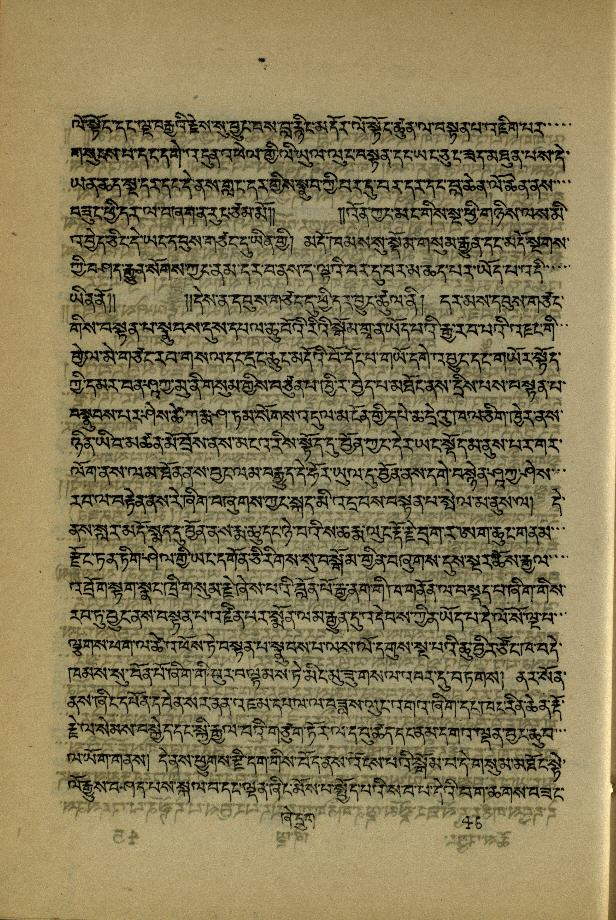ལོ་སྟོང་དང་ལྔ་བརྒྱའི་རྗེས་སུ་བྱུང་བས་བླ་རྙིང་མདོར་ལོ་སྟོང་ཚུན་ལ་བསྟན་པ་འཇིག་པར་
གསུངས་པ་དང་དགེ་འདུན་འཕེལ་གྱི་ལི་ཡུལ་ལུང་བསྟན་དང་ཡང་ཅུང་ཟད་མཐུན་པས་དེ་
ཡན་ཆད་སྔ་དར་དང་དེ་ནས་གླང་དར་གྱིས་སྣུབ་ཀྱི་བར་དུ་བར་དར་དང་བླ་ཆེན་ལོ་ཆེན་ནས་
བཟུང་ཕྱི་དར་ལ་བཞག་ན་རུང་ཙམ་མོ།། །།འོན་ཀྱང་མང་གིས་སྔ་ཕྱི་གཉིས་ལས་མི་
འབྱེད་ཅིང་དེ་ཡང་དབུས་གཙང་དུ་ཡིན་གྱི། མདོ་ཁམས་སུ་སྡོམ་གསུམ་རྒྱུན་དང་མདོ་སྔགས་
ཀྱི་བཤད་རྒྱུན་སོགས་ཀྱང་ནམ་དར་བ་ནས་ད་ལྟའི་བར་དུ་བར་མ་ཆད་པར་ཡོད་པ་འདི་
ཡིན་ནོ།། །།དེས་ན་དབུས་གཙང་དུ་ཕྱི་དར་བྱུང་ཚུལ་ནི། དར་མས་དབུས་གཙང་
གིས་བསྟན་པ་སྣུབས་དུས་དཔལ་ཆུ་བོའི་རིའི་སྒོམ་གྲྭ་ན་ཡོད་པའི་རྒྱ་རབ་པའི་འཇང་གི་
གྱེལ་མེ་གཙང་རབ་གསལ་དང་དྲང་ཆུང་མདོའི་བོ་དོང་པ་གཡོ་དགེ་འབྱུང་དང་གཡོར་སྟོད་
ཀྱི་དམར་བན་ཤཱཀྱ་མུ་ནི་གསུམ་གྱིས་བཙུན་པ་ཁྱི་ར་བྱེད་པ་མཐོང་ནས་དྲིས་པས་བསྟན་པ་
བསྣུབས་པར་ཤེས་ཚེ་ཀརྨ་ཤ་ཏམ་སོགས་འདུལ་མངོན་གྱི་དཔེ་ཆ་དྲེའུ་ཁལ་ཅིག་ཁྱེར་ནས་
ཉིན་ཡིབ་མཚན་མོ་བྲོས་ནས་མངའ་རིས་སྟོད་དུ་བྱོན་ཀྱང་དེར་ཡང་སྡོད་མ་ནུས་པར་གར་
ལོག་ནས་ལམ་ཐོན་ནས་བྱང་ལམ་བརྒྱུད་དེ་ཧོར་ཡུལ་དུ་བྱོན་ནས་དགེ་བསྙེན་ཤཱཀྱ་ཤེས་
རབ་ལ་བརྟེན་ནས་རེ་ཞིག་བཞུགས་ཀྱང་སྐད་མི་འདྲ་བས་བསྟན་པ་སྤེལ་མ་ནུས་ལ། དེ་
ནས་སླར་མདོ་སྨད་དུ་བྱོན་ནས་རྨ་ཆུ་དང་ཉེ་བའི་ས་ཆ་རྨ་ལུང་རྡོ་རྗེ་བྲག་རང་ཆུང་གནམ་
རྫོང་ཏན་ཏིག་ཤེལ་གྱི་ཡང་དགོན་ཅི་རིགས་སུ་བསྒོམ་གྱིན་བཞུགས་དུས་སྔར་ཆོས་རྒྱལ་
འབྲོག་སྟག་སྣང་ཁྲི་གསུམ་རྗེ་ཞེས་པའི་བློན་པོ་རྒྱ་ནག་གི་ཁ་གནོན་ལ་བསྡད་པ་ཞིག་གིས་
རབ་ཏུ་བྱུང་ནས་བསྟན་པ་འཛིན་པར་སྨོན་ལམ་རྒྱུན་དུ་འདེབས་ཀྱིན་ཡོད་པ་དེ་ལོ་སོ་ལྔ་པ་
ལྕགས་ཕག་ལ་ཚེ་འཕོས་ཏེ་བསྟན་པ་སྣུབས་པ་ལས་ལོ་དགུས་སྔ་པའི་ཆུ་བྱིར་ཙོང་ཁ་བདེ་
ཁམས་སུ་བོན་པོ་ཞིག་གི་བུར་བལྟམས་ཏེ་མིང་མུ་ཟུ་གསལ་འབར་དུ་བཏགས། ནར་སོན་
ནས་ཞིང་དཔོན་དབེན་སར་ནན་འཇམ་དཔལ་ལ་བཟླས་ལུང་འགའ་ཞིག་དང་ཁང་རིན་ཆེན་རྡོ་
རྗེ་ལ་སེམས་བསྐྱེད་དང་སྐྱི་རྒྱལ་བའི་གཙུག་ཏོར་ལ་དབུ་ཚད་དང་ནམ་དགའ་ལྡན་བྱང་ཆུབ་
ལ་ཡོག་གནས། དེ་ནས་ཕྱུགས་རྫི་དག་གིས་བོད་ནས་འོངས་པའི་སྒོམ་པ་དེ་གསུམ་མཐོང་སྟེ་
ལོ་རྒྱུས་བཤད་པས་སྐལ་བ་དང་ལྡན་ཞིང་མོས་པ་སྤྱོད་པའི་ས་བ་པ་དེའི་བག་ཆགས་བཟང་